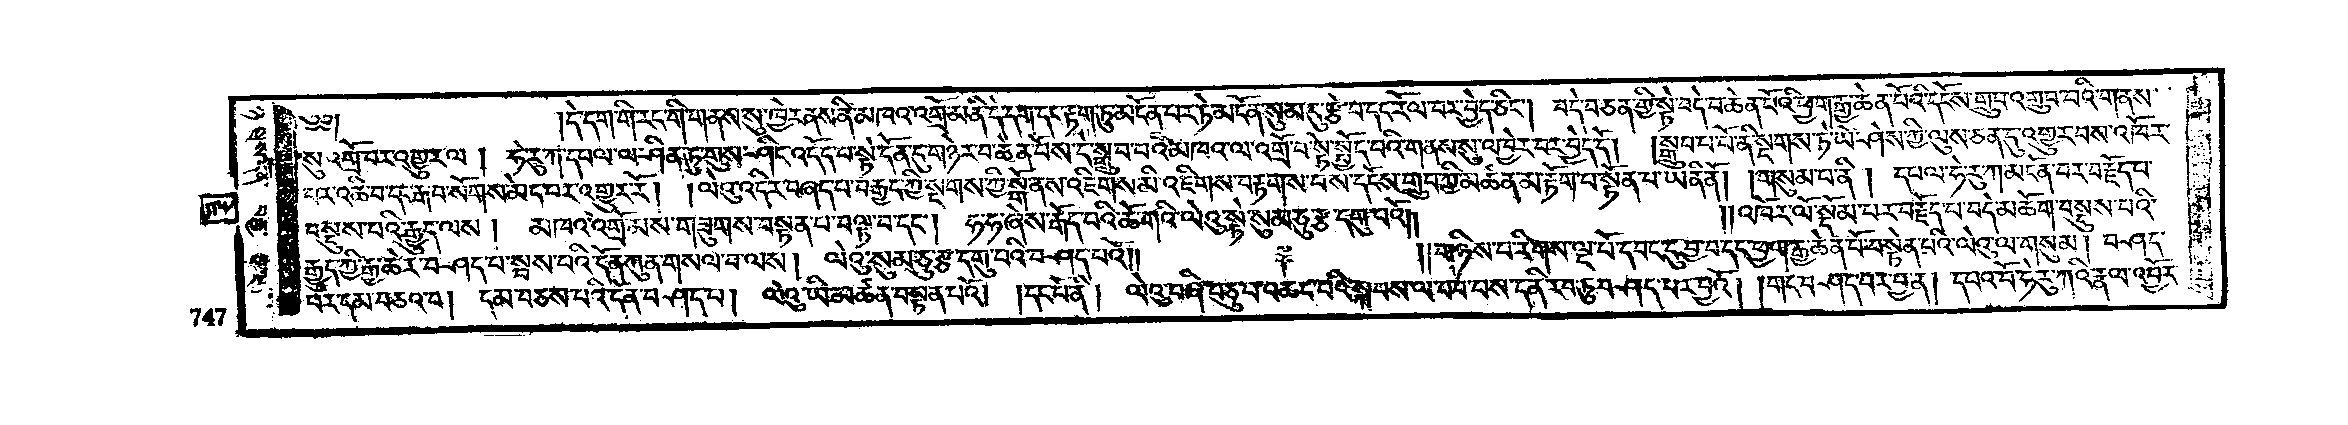༄༅། །དེ་དག་གི་རང་གི་གནས་སུ་ཁྱེར་ནས་ནི་མཁའ་འགྲོ་མ་ནི་དེ་དག་དང་རྟག་ཏུ་མངོན་པར་ཏེ་མངོན་སུམ་དུ་རྩེ་བ་དང་རོལ་བར་བྱེད་ཅིང་། བདེ་བ་ཅན་གྱི་སྟེ་བདེ་བ་ཆེན་པོའི་ཕྱག་རྒྱ་ཆེན་པོའི་དངོས་གྲུབ་འགྲུབ་པའི་གནས་
སུ་འགྲོ་བར་འགྱུར་ལ། ཧེ་རུ་ཀ་དཔལ་ལ་ཤིན་ཏུ་གུས་ཤིང་འདོད་པ་སྟེ་དོན་དུ་གཉེར་བ་ཆེན་པོས་དེ་སྒྲུབ་པའི་མཁའ་ལ་འགྲོ་བ་སྟེ་སྤྱོད་པའི་གནས་སུ་འཁྱེར་བར་བྱེད་དོ། །སྒྲུབ་པ་པོ་ནི་སྔགས་ཏེ་ཡེ་ཤེས་ཀྱི་ལུས་ཅན་དུ་འགྱུར་བས་འཁོར་
བར་འཆི་བ་དང་རྒ་བ་སོགས་མེད་པར་འགྱུར་རོ། །ལེའུ་འདིར་བཞད་པ་བརྒྱད་ཀྱི་སྔགས་ཀྱི་སྒོ་ནས་འཇིགས་མི་འཇིགས་བརྟགས་པས་དངོས་གྲུབ་ཀྱི་མཚན་མ་རྟོག་པ་སྟོན་པ་ཡིན་ནོ། །གསུམ་པ་ནི། དཔལ་ཧེ་རུ་ཀ་མངོན་པར་བརྗོད་པ་
བསྡུས་པའི་རྒྱུད་ལས། མཁའ་འགྲོ་མས་གཟུགས་བསྟན་པ་བལྟ་བ་དང་། ཧ་ཧ་ཞེས་རྒོད་པའི་ཆོ་གའི་ལེའུ་སྟེ་སུམ་ཅུ་རྩ་དགུ་པའོ།། །།འཁོར་ལོ་སྡོམ་པར་བརྗོད་པ་བདེ་མཆོག་བསྡུས་པའི་
རྒྱུད་ཀྱི་རྒྱ་ཆེར་བཤད་པ་སྦས་པའི་དོན་ཀུན་གསལ་བ་ལས། ལེའུ་སུམ་ཅུ་རྩ་དགུ་པའི་བཤད་པའོ།། ༈ །།གཉིས་པ་རིགས་ལྔ་པོ་དབང་དུ་བྱ་བ་དང་ཕྱག་རྒྱ་ཆེན་པོ་བསྟེན་པའི་ལེའུ་ལ་གསུམ། བཤད་
པར་དམ་བཅའ་བ། དམ་བཅས་པའི་དོན་བཤད་པ། ལེའུ་ཡི་མཚན་བསྟན་པའོ། །དང་པོ་ནི། ལེའུ་བཞི་བཅུ་པ་འཆད་པའི་སྐབས་ལ་བབ་པས་ད་ནི་རབ་ཏུ་བཤད་པར་བྱའོ། །གང་བཤད་བར་བྱ་ན། དཔའ་བོ་ཧེ་རུ་ཀའི་རྣལ་འབྱོར་